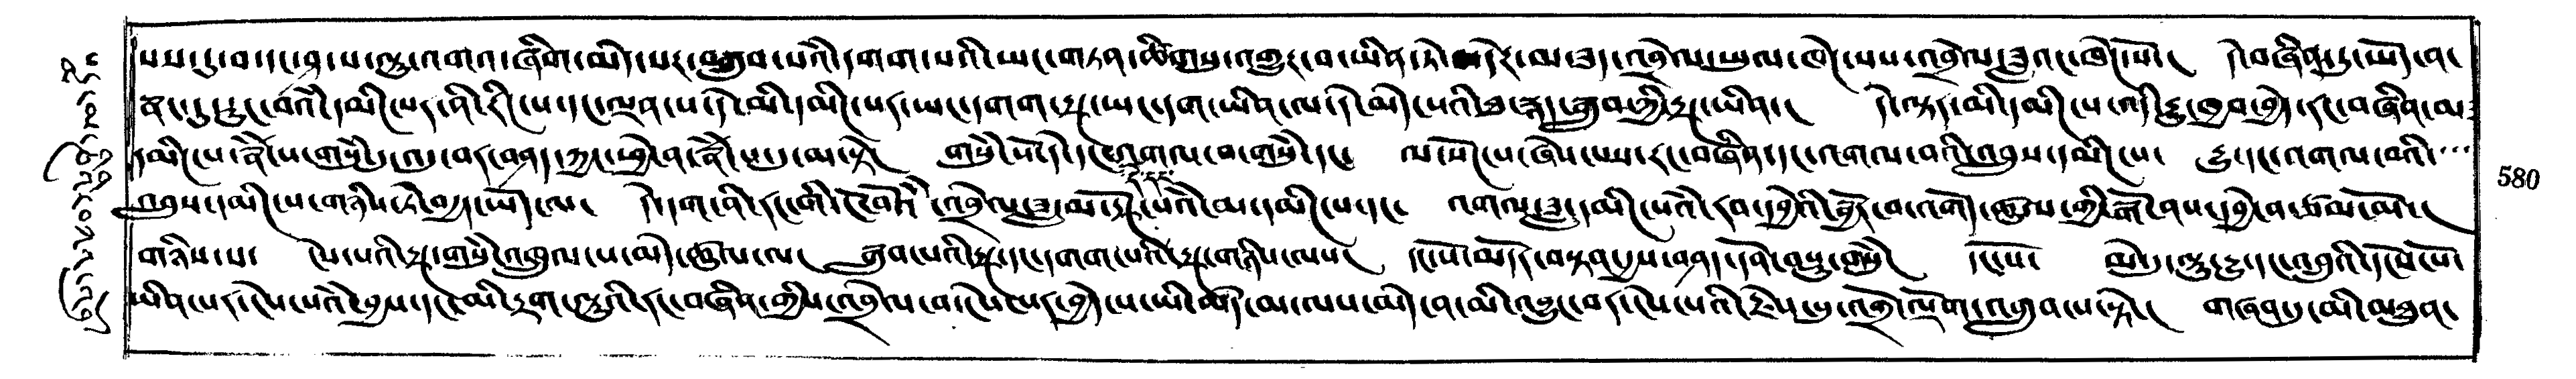པས་དུ་བ་དང་ཤ་པ་ལྟ་བུ་འགའ་ཞིག་མེད་པར་བསྒྲུབ་པའམ་དགག་པའི་ཡང་གཏན་ཚིགས་སུ་འགྱུར་བ་ཡིན་ཏེ་དེར་མ་ཟད་འབྲེལ་ཡུལ་ཁེགས་པས་འབྲེལ་ཟླའང་ཁེགས་སོ།། དེ་བཞིན་དུ་ཡོད་ན་
སྣང་དུ་རུང་བའམ་དམིགས་པར་ནི་རིགས་པ་དང་ལྡན་པ་དེ་མི་དམིགས་པར་ཡང་དགག་རྟགས་ཡང་དག་ཡིན་ལ་དེ་མེད་པའི་ཐ་སྙད་སྒྲུབ་ཀྱི་རྟགས་ཡིན། དེ་ལྟར་མི་དམིགས་པ་འདི་རྒྱུ་ཁྱབ་བྱེད་རང་བཞིན་མ་
དམིགས་པ་རྣམ་པ་གསུམ་དུ་འདུ་བར་བཤད་ཀྱང་ཕྱེ་ན་རྣམ་པ་དུ་མ་སྟེ། གསུམ་པོ་དེ་དང་དེ་དང་འགལ་བ་གསུམ་དང་། ལ་སོགས་པ་ཞེས་པས་རང་བཞིན་དང་འགལ་བའི་འབྲས་བུས་དམིགས་པ། རྒྱུ་དང་འགལ་བའི་
འབྲས་བུས་དམིགས་པ་གཉིས་ཏེ་བརྒྱད་ཡོད་ལ། དེ་དག་ནི་རང་གི་ངོ་བོའམ་འབྲེལ་ཟླ་མ་རྟོགས་པའམ་མ་དམིགས་པ་དང་། འགལ་ཟླ་དམིགས་པའམ་རབ་དབྱེའི་སྦྱོར་བ་འགོད་ཚུལ་གྱི་སྒོ་ནས་དབྱེ་བ་ཙམ་མོ།། 
གཉིས་པ། ངེས་པའི་རྟགས་གསུམ་འཁྲུལ་པ་མེད་ཚུལ་ལ། སྒྲུབ་པའི་རྟགས་དང་དགག་པའི་རྟགས་གཉིས་ལས། དང་པོ་མདོར་བསྟན་རྒྱས་བཤད་དོན་བསྡུ་གསུམ། དང་པོ། མེ་དུ་ལྟ་བུ་དག་འབྲས་བུའི་དངོས་པོ་
ཡིན་པར་ངེས་པའམ་བྱས་དང་མི་རྟག་ལྟ་བུའི་རང་བཞིན་གྱིས་འབྲེལ་བ་ངེས་པར་བྱེད་པའི་ཡི་ཚད་མ་ལས་མེད་ན་མི་འབྱུང་བར་ངེས་པའི་རྗེས་སུ་འགྲོ་ལྡོག་འགྲུབ་པ་སྟེ། གཞན་དུ་མི་མཐུན་